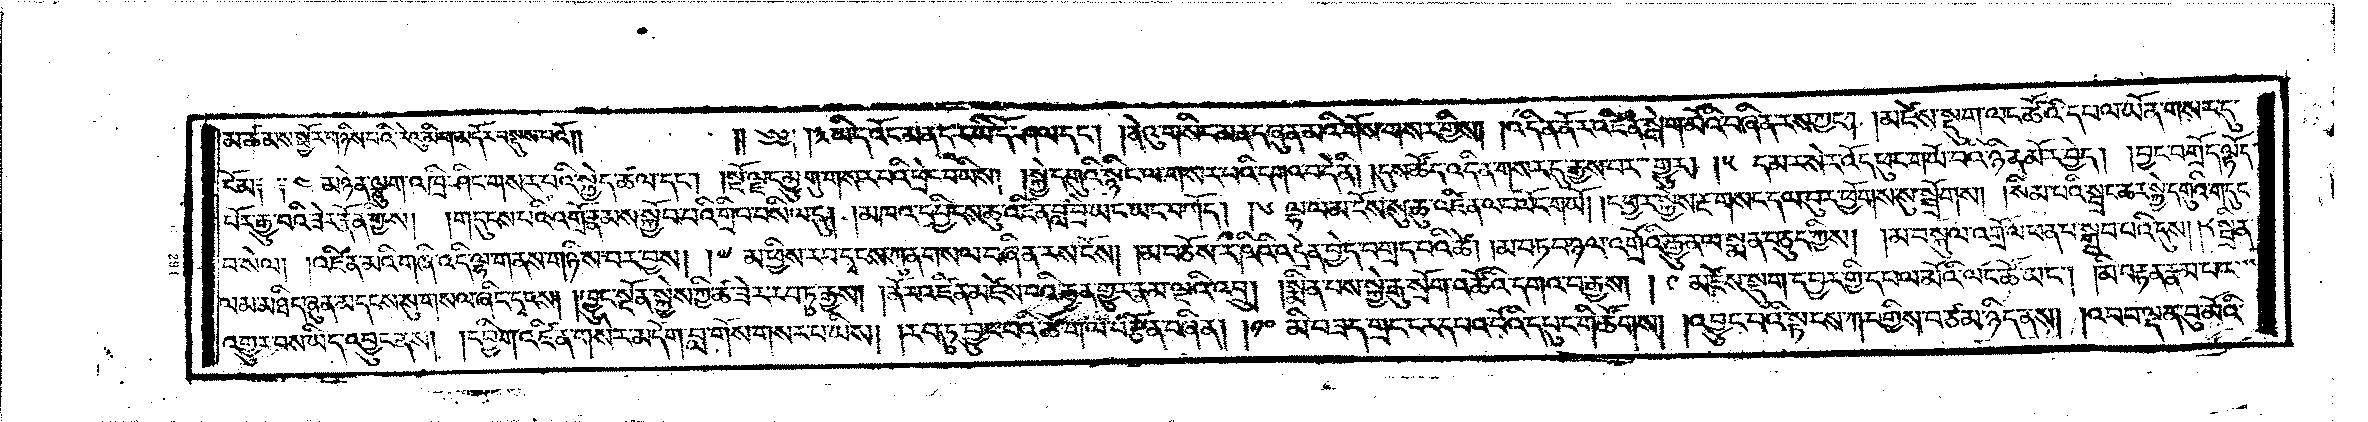མཚམས་སྦྱོར་གཉིས་པའི་རེའུ་མིག་མདོར་བསྡུས་པའོ།། །། ༄༅། །༣་མིད་འོང་མན་ངར་ཡི་དོ་ཤལ་དང་། །ནེའུ་གསིང་མནད་ཞུན་མའི་གོས་གསར་གྱིས། །འདི་ན་ནོར་འཛིན་སྒེག་མོའི་བཞིན་རས་ཀྱང་། །མཛེས་སྡུག་ལང་ཚོའི་དཔལ་ཡོན་གསར་དུ་
ངོམ༑ ༑༤་མཉེན་ལྷུག་འཁྲི་ཤིང་གསར་པའི་སྐྱེད་ཚུལ་དང་། །སྔོ་ལྗང་མྱུ་གུ་གསར་པའི་ཕྲེང་བ་ཡིས། །སྐྱེ་དགུའི་སྙིང་ལ་གསར་པའི་དགའ་བ་དེ་ནི། །དུས་ཚོད་འདི་ན་གསར་དུ་རྒྱས་པར་གྱུར། །༥་དམར་སེར་འོད་ཕུང་གཡོ་བའི་ཉིན་མོར་བྱེད། །བྱང་བགྲོད་ལྷོད་
པོར་རྒྱུ་བའི་ཟེར་རྣོན་གྱིས། །གདུངས་པའི་འགྲོ་རྣམས་སྐྱོབ་པའི་འགྲིབ་བསིལ་དུ། །མཁའ་དབྱིངས་ཆུ་འཛིན་བླ་བྲེ་ཡང་ཡང་བཀོད། །༦ལྷ་ལམ་ངོས་སུ་ཆུ་འཛིན་ལང་ལོང་གཡོ། །དཔྱར་སྐྱེས་རྔ་གསང་དལ་བུར་ཕྱོགས་སུ་སྦྲོགས། །སིམ་པའི་སྦྲང་དྷར་སྐྱེ་དགུའི་གདུང་
བ་སེལ། །འཛིན་མའི་གཞི་འདི་ལྷ་གནས་གཉིས་པར་བྱས། །༧་མ་ཕྱིས་རབ་དྭངས་ཀུན་གསལ་བཞིན་རས་ངོས། །མ་བཅོས་རྀ་ཥིའི་འདྲེན་བྱེད་བརྒྱད་བའི་ཚེ། །མ་བཏབ་ཉལ་འགྲོའི་རྒྱུན་ལ་སྨན་བཅུད་ཀྱིས། །མ་བསྐུལ་འགྲོལ་ཕན་པ་སྒྲུབ་པའི་དུས། །༨་སྦྲིན་
ལམ་མཐིད་ཞུན་མདངས་སུ་གསལ་ཞིང་དྭངས། །བྱུང་སྔོན་སྐྱེས་ཀྱི་ཚ་ཟེར་རབ་ཏུ་རྒྱས། །ནོར་འཛིན་མཛེས་བའི་རྒྱན་གྱུར་རྣམ་ལྔའི་འབྲུ། །སྨིན་པས་སྐྱེ་རྒུ་སྲོག་འཚོའི་དགའ་བ་རྒྱས། །༩་མཛེས་སྡུག་དབྱར་གྱི་དཔལ་མོའི་ལང་ཚོ་ཡང་། །མི་བརྟན་རྣམ་པར་
འགྱུར་བས་ཡིད་འབྱུང་ནས། །དབྱིག་འཛིན་གསེར་མདོག་བླ་གོས་གསར་པ་ཡིས། །རབ་ཏུ་བྱུང་བའི་ཆོ་ག་ལ་བརྩོན་བཞིན། །༡༠་མི་བཟད་གྲང་ངར་དཔའ་བོའི་དཔུང་གི་ཚོགས། །འབྱུང་བའི་སྟངས་ཀ་བགྱིས་བ་ཙམ་ཉིད་ནས། །འབབ་ལྡན་བུ་མོའི་